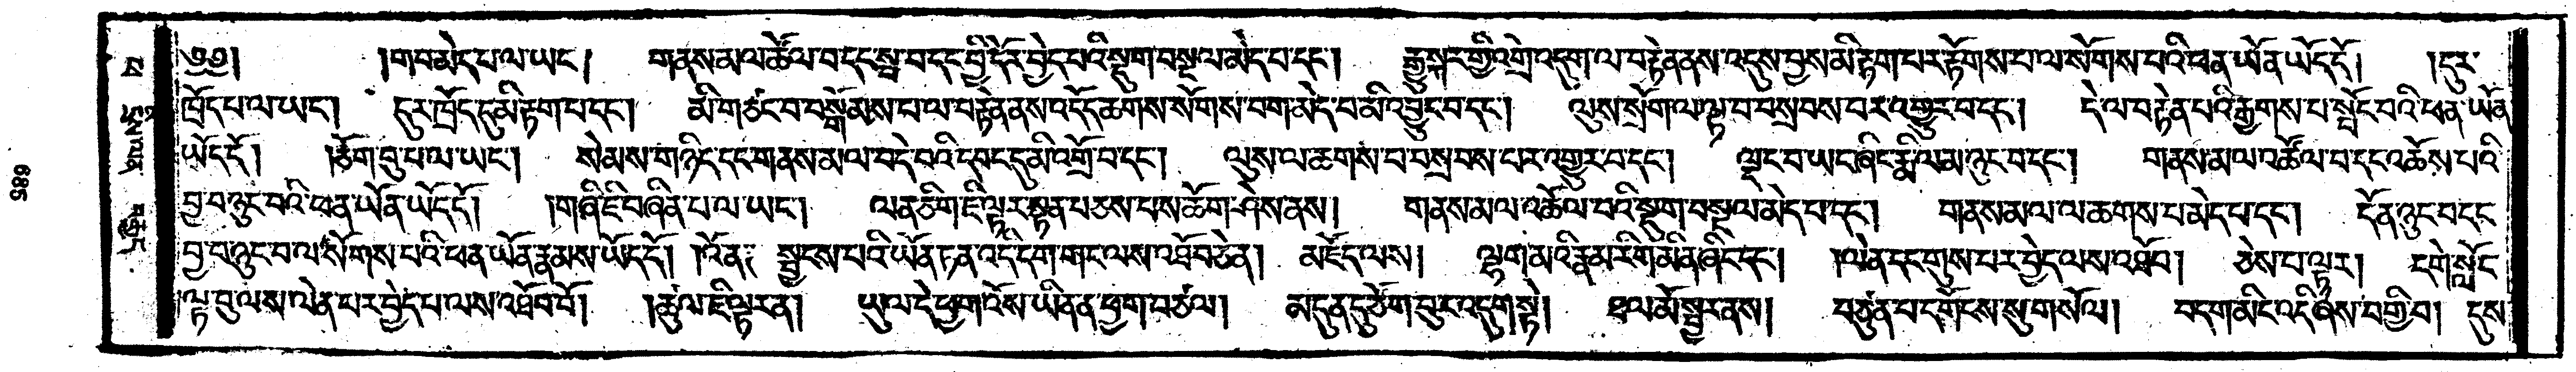༄༅། །གབ་མེད་པ་ལ་ཡང་། གནས་མལ་ཚོལ་བ་དང་སྤ་བ་དང་བྱི་དོར་བྱེད་པའི་སྡུག་བསྔལ་མེད་པ་དང་། རྒྱུ་སྐར་གྱི་འགྲེ་འདུག་ལ་བརྟེན་ནས་འདུས་བྱས་མི་རྟག་པར་རྟོགས་པ་ལ་སོགས་པའི་ཕན་ཡོན་ཡོད་དོ། །དུར་
ཁྲོད་པ་ལ་ཡང་། དུར་ཁྲོད་དུ་མི་རྟག་པ་དང་། མི་གཙང་བ་བསྒོམས་པ་ལ་བརྟེན་ནས་འདོད་ཆགས་སོགས་བག་མེད་པ་མི་འབྱུང་བ་དང་། ལུས་སྲོག་ལ་ལྟ་བ་བསྲབས་པར་འགྱུར་བ་དང་། དེ་ལ་བརྟེན་པའི་རྒྱགས་པ་སྤོང་བའི་ཕན་ཡོན་
ཡོད་དོ། །ཅོག་བུ་པ་ལ་ཡང་། སེམས་གཉིད་དང་གནས་མལ་བདེ་བའི་དབང་དུ་མི་འགྲོ་བ་དང་། ལུས་ལ་ཆགས་པ་བསྲབས་པར་འགྱུར་བ་དང་། ལྡང་བ་ཡང་ཞིང་རྨི་ལམ་ཉུང་བ་དང་། གནས་མལ་འཚོལ་བ་དང་འཆོས་པའི་
བྱ་བ་ཉུང་བའི་ཕན་ཡོན་ཡོད་དོ། །གཞི་ཇི་བཞིན་པ་ལ་ཡང་། ལན་ཅིག་ཇི་ལྟར་སྟན་བཅས་པས་ཆོག་ཤེས་ནས། གནས་མལ་འཆོལ་བའི་སྡུག་བསྔལ་མེད་པ་དང་། གནས་མལ་ལ་ཆགས་པ་མེད་པ་དང་། དོན་ཉུང་བ་དང་
བྱ་བ་ཉུང་བ་ལ་སོགས་པའི་ཕན་ཡོན་རྣམས་ཡོད་དོ། །འོ་ན༑ སྦྱངས་པའི་ཡོན་ཏན་འདི་དག་གང་ལས་འཐོབ་ཅེ་ན། མཛོད་ལས། ལྷག་མའི་རྣམ་རིག་མིན་ཞིང་དང་། །ལེན་དང་གུས་པར་བྱེད་ལས་འཐོབ། ཅེས་པ་ལྟར། དགེ་སློང་
ལྟ་བུ་ལས་ལེན་པར་བྱེད་པ་ལས་འཐོབ་བོ། །ཚུལ་ཇི་ལྟར་ན། ཡུལ་དེ་ཕྱག་འོས་ཡིན་ན་ཕྱག་བཙལ། མདུན་དུ་ཙོག་བུར་འདུག་སྟེ། ཐལ་མོ་སྦྱར་ནས། བཙུན་པ་དགོངས་སུ་གསོལ། བདག་མིང་འདི་ཞེས་བགྱི་བ། དུས་